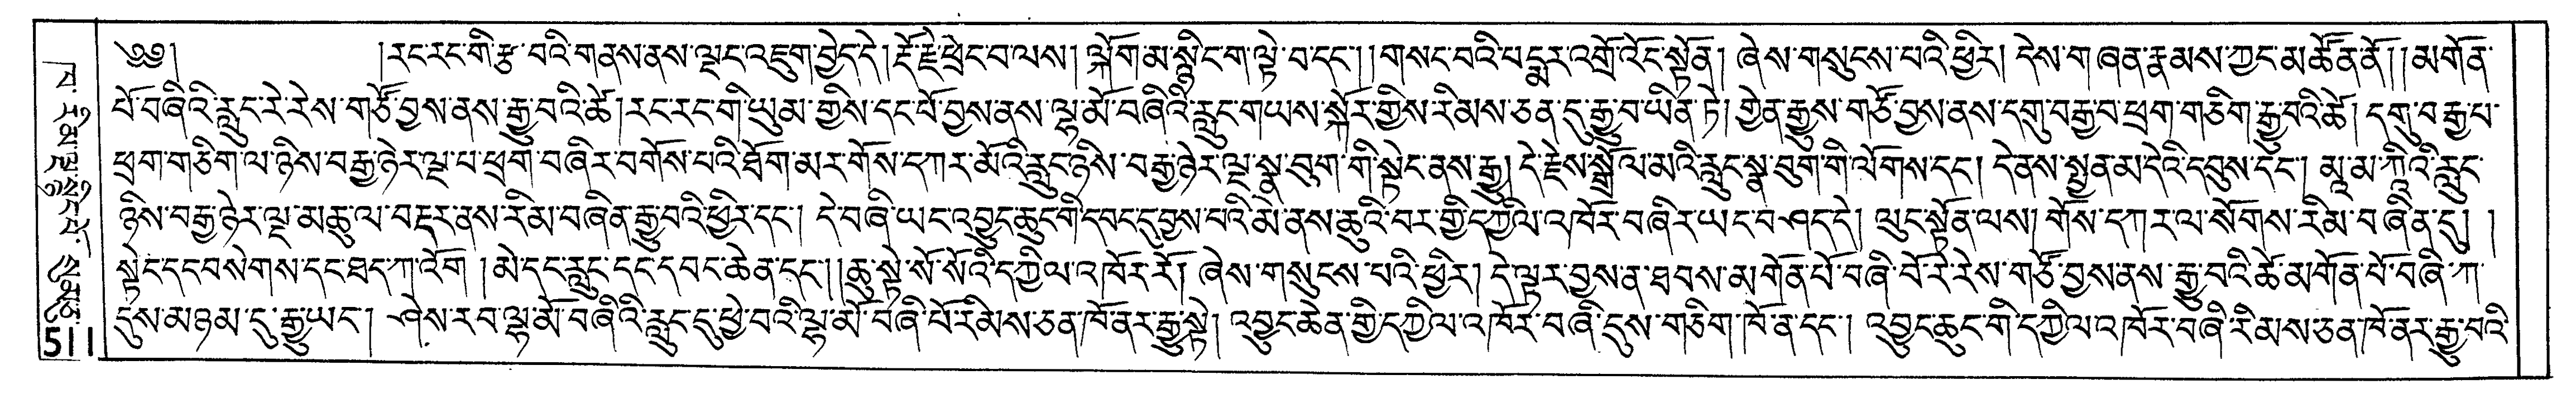༄༅། །རང་རང་གི་རྩ་བའི་གནས་ནས་ལྡང་འཇུག་བྱེད་དེ། རྡོ་རྗེ་ཕྲེང་བ་ལས། ལྐོག་མ་སྙིང་ག་ལྟེ་བ་དང་། །གསང་བའི་པདམར་འགྲོ་འོང་སྟོན། ཞེས་གསུངས་པའི་ཕྱིར། དེས་གཞན་རྣམས་ཀྱང་མཚོན་ནོ། །མགོན་
པོ་བཞིའི་རླུང་རེ་རེས་གཙོ་བྱས་ནས་རྒྱུ་བའི་ཚེ། རང་རང་གི་ཡུམ་གྱིས་དང་པོ་བྱས་ནས་ལྷ་མོ་བཞིའི་རླུང་གཡས་སྐོར་གྱིས་རིམས་ཅན་དུ་རྒྱུ་བ་ཡིན་ཏེ། གྱེན་རྒྱུས་གཙོ་བྱས་ནས་དགུ་བརྒྱ་བ་ཕྲག་གཅིག་རྒྱུ་བའི་ཚེ། དགུ་བརྒྱ་པ་
ཕྲག་གཅིག་ལ་ཉིས་བརྒྱ་ཉེར་ལྔ་པ་ཕྲག་བཞིར་བགོས་པའི་ཐོག་མར་གོས་དཀར་མོའི་རླུང་ཉིས་བརྒྱ་ཉེར་ལྔ་སྣ་བུག་གི་སྟེང་ནས་རྒྱུ། དེ་རྗེས་སྒྲོལ་མའི་རླུང་སྣ་བུག་གི་ལོགས་དང་། དེ་ནས་སྤྱན་མ་དེའི་དབུས་དང་། མཱ་མ་ཀཱིའི་རླུང་
ཉིས་བརྒྱ་ཉེར་ལྔ་མཆུ་ལ་བརྡར་ནས་རིམ་བཞིན་རྒྱུ་བའི་ཕྱིར་དང་། དེ་བཞི་ཡང་འབྱུང་ཆུང་གི་དབང་དུ་བྱས་པའི་མེ་ནས་ཆུའི་བར་གྱི་དཀྱིལ་འཁོར་བཞིར་ཡང་བཤད་དེ། ལུང་སྟོན་ལས། གོས་དཀར་ལ་སོགས་རིམ་བཞིན་དུ། །
སྟེང་དང་བསེགས་དང་ཐད་ཀ་འོག །མེ་དང་རླུང་དང་དབང་ཆེན་དང་། །ཆུ་སྟེ་སོ་སོའི་དཀྱིལ་འཁོར་རོ། ཞེས་གསུངས་པའི་ཕྱིར། དེ་ལྟར་བྱས་ན་ཐབས་མགོན་པོ་བཞི་བོ་རེ་རེས་གཙོ་བྱས་ནས་རྒྱུ་བའི་ཚེ་མགོན་པོ་བཞི་ཀ་
དུས་མཉམ་དུ་རྒྱུ་ཡང་། ཤེས་རབ་ལྷ་མོ་བཞིའི་རླུང་དུ་ཕྱེ་བའི་ལྷ་མོ་བཞི་པོ་རིམས་ཅན་ཁོ་ནར་རྒྱུ་སྟེ། འབྱུང་ཆེན་གྱི་དཀྱིལ་འཁོར་བཞི་དུས་གཅིག་ཁོ་ན་དང་། འབྱུང་ཆུང་གི་དཀྱིལ་འཁོར་བཞི་རིམས་ཅན་ཁོ་ནར་རྒྱུ་བའི་